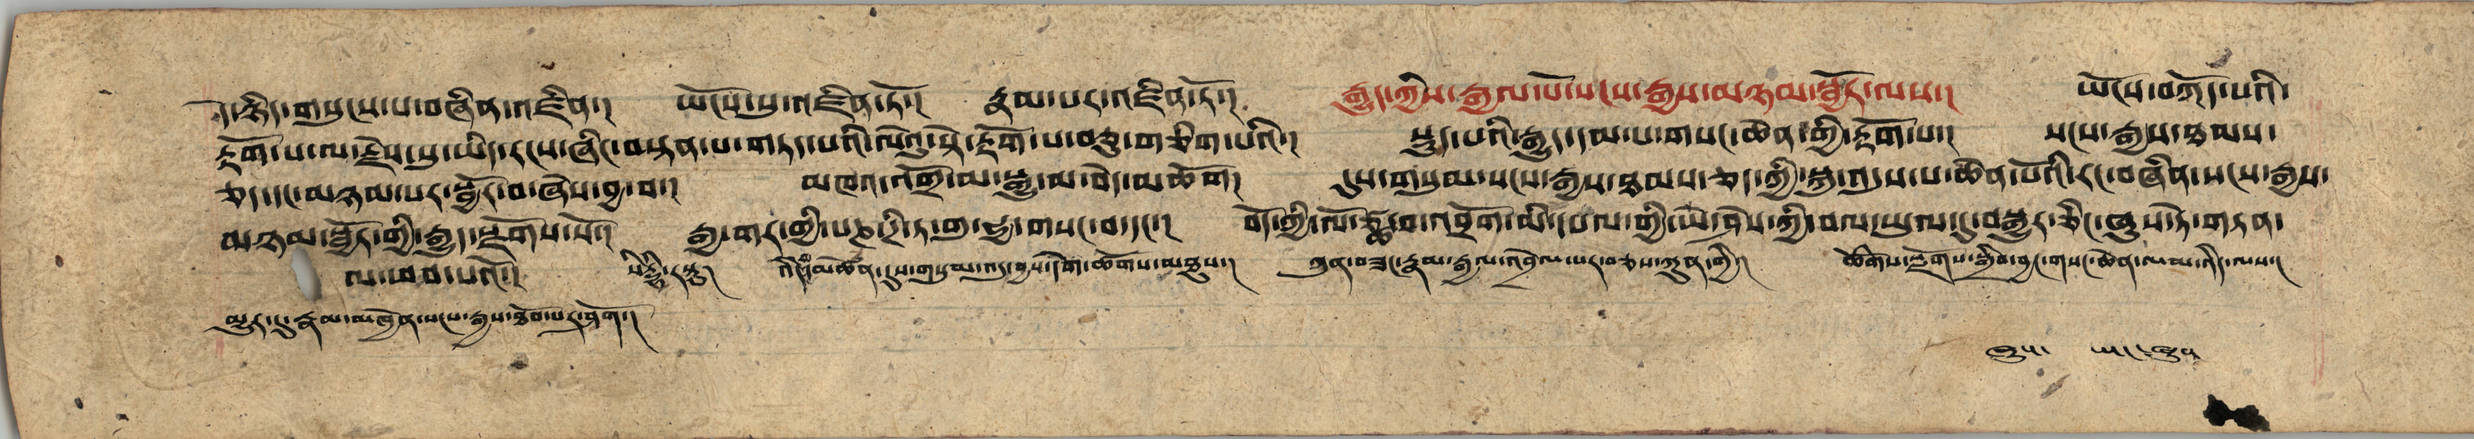དེ་ཉིད་གསུངས་པ་བཞིན་འཛིན་། ཡོངས་སུ་འཛིན་ཏོ་། རྣམ་པར་འཛིན་ཏོ་། རྒྱུད་ཀྱིས་རྒྱལ་པོ་སངས་རྒྱས་མཉམ་སྦྱོར་ལས་། ཡོངས་བཀོད་པའི་
རྟོག་པ་ལ་རྗེས་སུ་ཡིད་རངས་ཞིང་བསྟན་པ་གཏད་པའི་ལེའུ་སྟེ་རྟོག་པ་བཅུ་གཅིག་པའི་། སྡུད་པའི་རྒྱུད་དམ་པ་གསང་ཆེན་གྱི་རྟོག་པ་། སངས་རྒྱས་ཐམས་
ཅད་དང་མཉམ་པར་སྦྱོར་བ་ཞེས་བྱ་བ་། མཁའ་འགྲོ་མ་སྒྱུ་མ་བདེ་མཆོག། དུས་གསུམ་སངས་རྒྱས་ཐམས་ཅད་ཀྱི་སྐུ་འདུས་པ་ཆེན་པོའི་རང་བཞིན་སངས་རྒྱས་
མཉམ་སྦྱོར་གྱི་རྒྱུད་སྫོགས་སོ་། རྒྱ་གར་གྱི་པཎ་ཌི་ཏ་གུ་ཧྱ་གསང་བ་དང་། བོད་ཀྱི་ལོ་ཙྪ་བ་འབྲོག་མི་དཔལ་གྱི་ཡེ་ཤེས་ཀྱི་བལ་ཡུལ་དུ་བསྒྱུར་ཅིང་ཞུས་ཏེ་གཏན་
ལ་ཕབ་པའི་། སིདྡྷི་རསྟུ། འདིས་མཚོན་དུས་གསུམ་འདུ་བྱས་དགེ་ཚོགས་མཐུས་། ཀུན་བཟང་རྣམ་རྒྱལ་འབྲེལ་པར་བཅས་ཀུན་གྱི་། ཚོགས་སྫོགས་སྒྲིབ་བྱང་གསང་ཆེན་ལམ་འདི་ལས་།
མྱུར་དུ་རྣམ་མཁྱེན་སངས་རྒྱས་ཐོབ་པར་ཤོག་